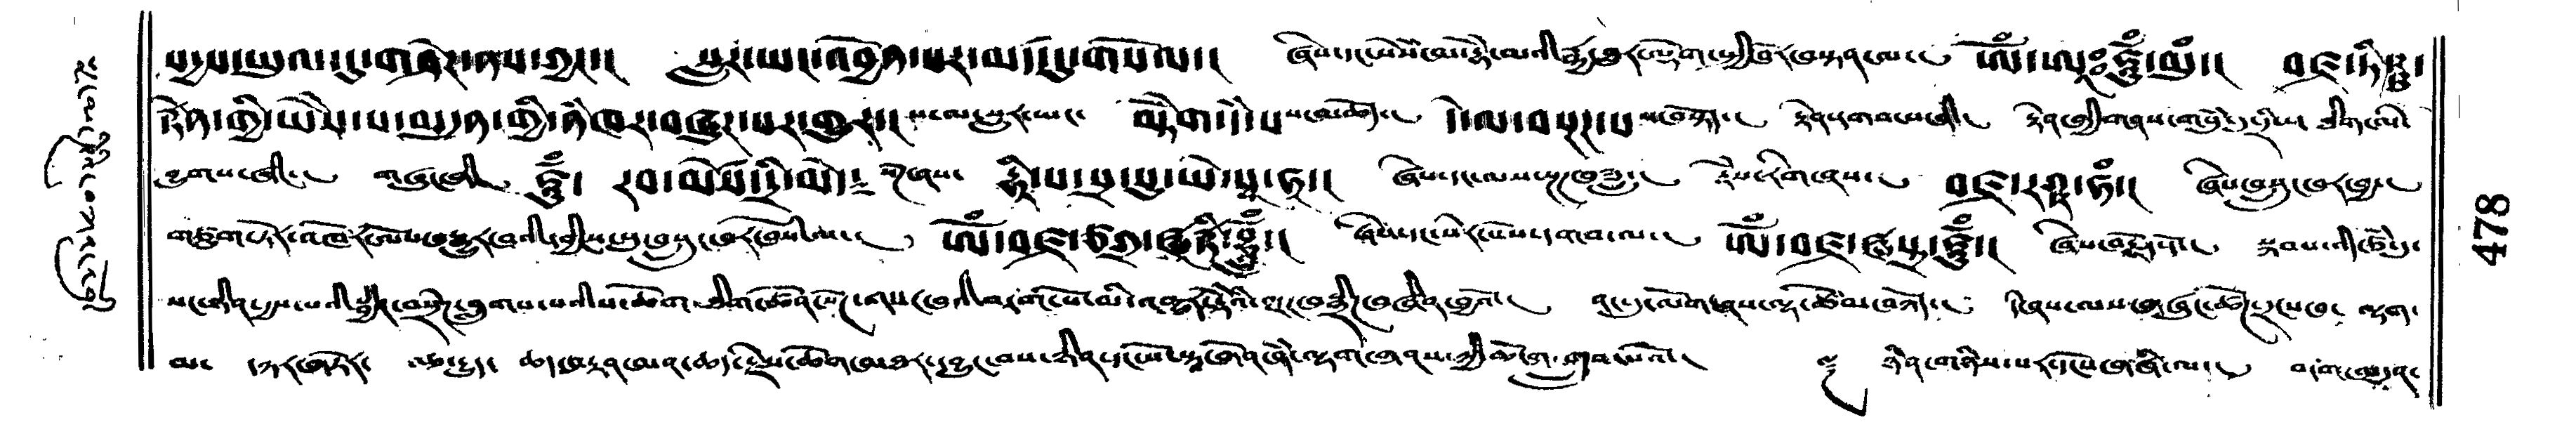སངས་རྒྱས་ཡུལ་དུ་གཤེགས་ནས་ཀྱང་། སླར་ཡང་འབྱོན་པར་མཛད་དུ་གསོལ། ཞེས་དང་སེམས་མ་རྡོ་རྗེ་མའི་རྒྱ་ཐར་ལྡོག་སྤྱི་བོར་བསྟན་ལ། ཨོཾ་ཨཱཿཧཱུྃ་མུཾ། བཛྲ་ཏིཥྛ། 
རྟེན་གྱི་ཡེ་ཤེས་པ་མདུན་གྱི་ནམ་མཁར་བཞུགས་པར་གྱུར། སླར་ཡང་། མེ་ཏོག་དམ་པ ས་མཆོད། དེ་དག་བསྔགས་པ ས་བསྟོད། རྟེན་དགབ་པ་ནི། རྟེན་གྱི་གནས་གསུམ་དུ་དྲི་དང་ཐིག་ལེ་
བྱུགས་ཞིང་། གཞུང་གི ཧཱུྃ། བར་མཛེས་དྲི་མེད༴ སོགས་ནས་དྷཱི་པ་པྲ་པུ་ཡེ་སྭ་ཧཱ། ཞེས་དང་ལས་སྔགས་བཟླ། རྡོ་རྗེས་རེག་ནས། བཛྲ་རཀྵ་ཧཾ། ཞེས་བསྲུང་བར་བྱ། 
གཙུག་ཏོར་འཁོར་ལོས་བསྒྱུར་བའི་དབྱིངས་སུ་བསྲུང་བར་བསམ་ལ།ཨོཾ་བཛྲ་ཙཀྲ་ཝཱརྟི་བྷྲཱུྃ། ཞེས་དང་སེར་པོས་དགབ་ལ། ཨོཾ་བཛྲ་ཝསྟྲ་ཧཱུྃ། ཞེས་བརྗོད་དོ། སྐབས་འདི་ཙམ་དུ་
སང་ཉིན་རྒྱས་པའི་སྦྱིན་བསྲེགས་བླུགས་པའི་ས་ཆོག་ཐིག་ཚོན་སོགས་གསང་བའི་བདག་པོ་མི་འགྱུར་རྡོ་རྗེའི་ལྗགས་བསྒྲིགས་བཞིན་བྱའོ། ནང་དུ་ལོག་ནས་ལྷ་ཚོམ་བཀོད། དེ་ནས་ལས་གཞུང་ཚོགས་དྲངས་བ་ལྷག་
མ། དཀར་གཏོར། རྩ་རྒྱུད། ཆད་བརྟན་མན་ཆད་རྗེས་ཆོག་མཐར་དབྱུང་བས་ཉིན་དང་པོ་སྟ་གོན་ནམ་ལྷག་གནས་ཀྱི་ཆོ་ག་གྲུབ་པའོ། ༈ ཉིན་གཉིས་པར་དངོས་གཞི་ལ། བདག་མདུན་